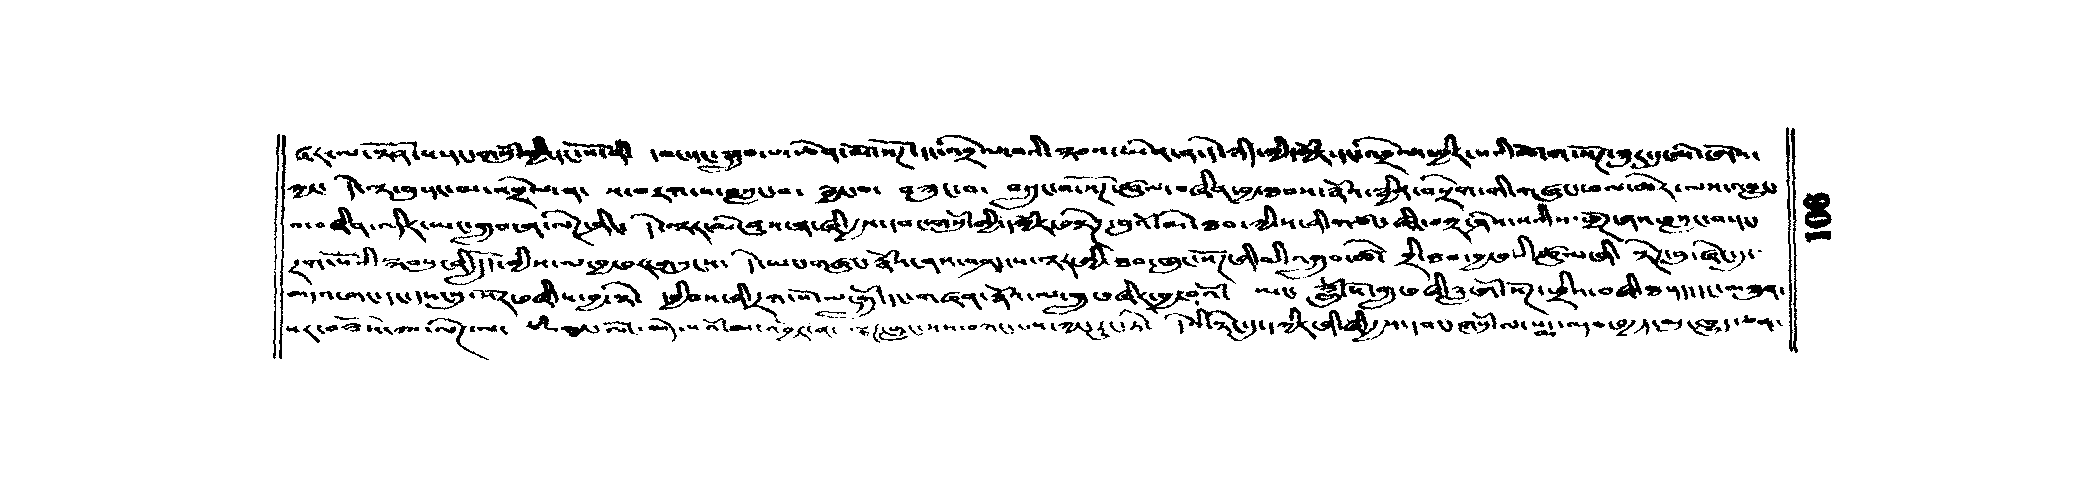ཞར་ལ་སྟོན་པ་དང་གསུམ་གྱི་དང་པོ་ནི། དབང་དང་སྒྲུབ་པ་ཆེན་པོ་སོགས་དང་འབྲེལ་བའི་སྐབས་ཡིན་ན་དེ་ཉིད་ཀྱི་དཀྱིལ་འཁོར་དང་འབྲཻལ་ཕྱིར་སའི་ཆོ་ག་སོགས་ཟུར་དུ་མི་དགོས་
ཀྱང་། དེ་ལྟ་བུ་དང་མ་འབྲེལ་ན། ས་བརྟག་ས་བསླང་བ། སྦྱང་བ། བཟུང་བ། བསྲུང་བ་སོགས་ཚུལ་བཞིན་བྱ་ཐབས་རྣམས་སྦྱིན་བསྲེག་གི་གཞུང་ཕལ་ཆེར་ལས་འབྱུང་
པ་བཞིན་འདིར་ཡང་གྲུབ་ན་ལེགས་ཤིང་། དེ་ལྟར་མི་ནུས་ན་ཞི་རྒྱས་དབང་གསུམ་གྱི་དཀྱིལ་འཁོར་བསྟེགས་བུའམ་མེ་ཐབ་ཀྱི་ས་ནི་གཙང་ཞིང་བཀྲ་ཤིས་པའི་ས་ཕྱོགས་ནས་བསླང་བ་དང་། 
དྲག་པོའི་སྐབས་སུ་ནི་དུར་ཁྲོད་ཀྱི་ས་ལ་བྱ་བར་གསུངས། དེ་ཡངགཞུང་རྣམས་ནས་བཤད་པ་ལྟར་གྱི་ཐབ་ཁུང་སོགས་ནི་མི་འགྲུབ་ཚེ།སྲི་ཐབ་བྱ་བའི་ཚུལ་ནི། སྟེགས་བུ་ཞེང་དུ་
མདའ་གང་དངདཔངས་སུ་སོར་བཞི་པ་བྱ་སྟེ། དབྱིབས་ནི་དྲག་པོ་ལ་གྲུ་གསུམ་དང་གཞན་རྣམས་ལ་གྲུ་བཞིར་བྱ་བའམ། ཡང་ཟླུམ་པོ་གྲུ་བཞི་ཟླ་གམ་སོགས་ཕྲིན་ལས་བཞི་ཐ་དད་དང་མཐུན་
པར་བཟོས་་་་་་་་་ལེགས་ལ། ཅིས་ཀྱང་ལོང་མེད་པའམ་མ་འབྱོར་ན་ལྕགས་གླང་སས་བཀང་པས་ཀྱང་རུང་སྟེ། དེའི་སྟེང་དུ་དཀྱིལ་འཁོར་ནི་ཞི་རྒྱས་དབང་གསུམ་ལ་པདྨ་འདབ་བརྒྱད་མུ་ཁྱུད་ཅན་